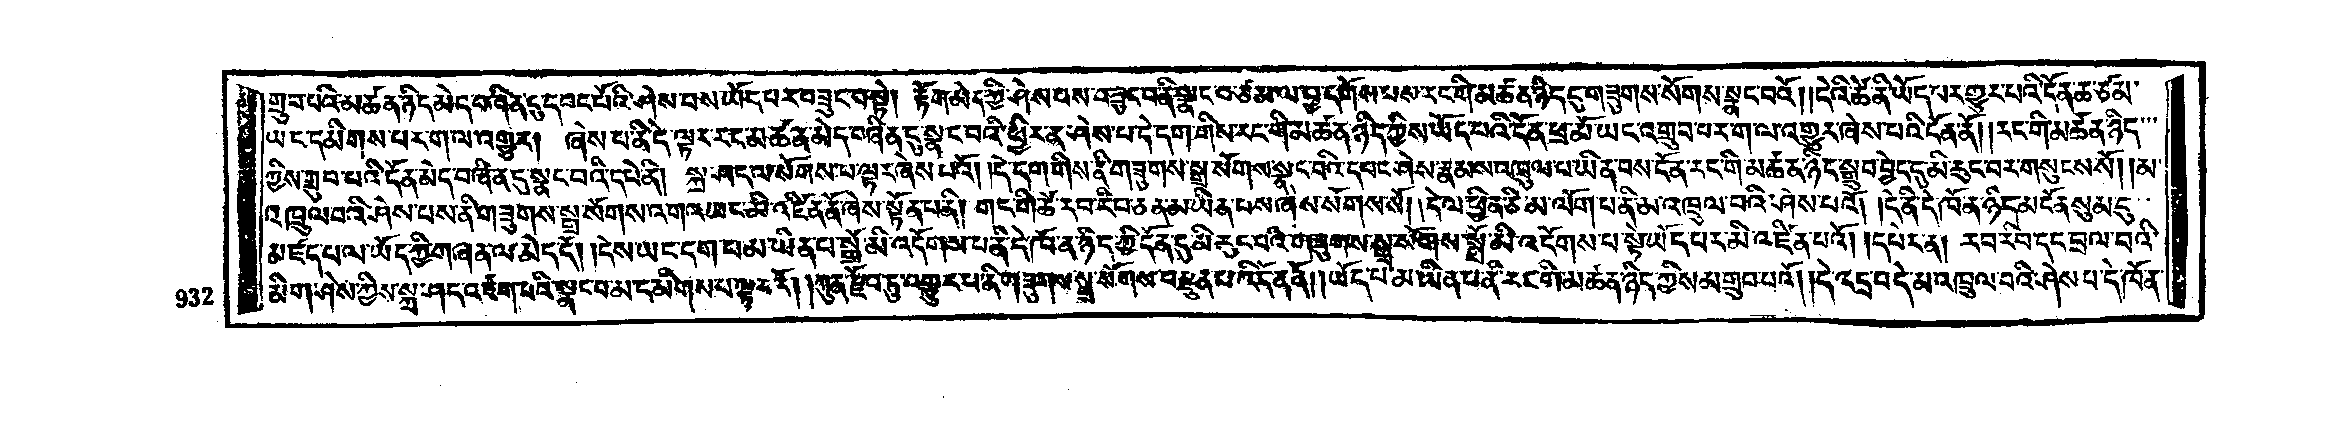གྲུབ་པའི་མཚན་ཉིད་མེད་བཞིན་དུ་དབང་པོའི་ཤེས་པས་ཡོད་པར་བཟུང་བ་སྟེ། རྟོག་མེད་ཀྱི་ཤེས་པས་བཟུང་བ་ནི་སྣང་བ་ཙམ་ལ་བྱ་དགོས་པས་རང་གི་མཚན་ཉིད་དུ་གཟུགས་སོགས་སྣང་བའོ། །དེའི་ཚེ་ནི་ཡོད་པར་གྱུར་པའི་དོན་ཆ་ཙམ་
ཡང་དམིགས་པར་ག་ལ་འགྱུར། ཞེས་པ་ནི་དེ་ལྟར་རང་མཚན་མེད་བཞིན་དུ་སྣང་བའི་ཕྱིར་ན་ཤེས་པ་དེ་དག་གིས་རང་གི་མཚན་ཉིད་ཀྱིས་ཡོད་པའི་དོན་ཕྲ་མོ་ཡང་འགྲུབ་པར་ག་ལ་འགྱུར་ཞེས་པའི་དོན་ནོ། །རང་གི་མཚན་ཉིད་
ཀྱིས་གྲུབ་པའི་དོན་མེད་བཞིན་དུ་སྣང་བའི་དཔེ་ནི། སྐྲ་ཤད་ལ་སོགས་པ་ལྟར་ཞེས་པའོ། །དེ་དག་གིས་ནི་གཟུགས་སྒྲ་སོགས་སྣང་བའི་དབང་ཤེས་རྣམས་འཁྲུལ་པ་ཡིན་པས་དོན་རང་གི་མཚན་ཉིད་སྒྲུབ་བྱེད་དུ་མི་རུང་བར་གསུངས་སོ། །མ་
འཁྲུལ་བའི་ཤེས་པས་ནི་གཟུགས་སྒྲ་སོགས་འགའ་ཡང་མི་འཛིན་ནོ་ཞེས་སྟོན་པ་ནི། གང་གི་ཚེ་རབ་རིབ་ཅན་མ་ཡིན་པས་ཞེས་སོགས་སོ། །དེ་ལ་ཕྱིན་ཅི་མ་ལོག་པ་ནི་མ་འཁྲུལ་བའི་ཤེས་པའོ། །དེ་ནི་དེ་ཁོ་ན་ཉིད་མངོན་སུམ་དུ་
མཛད་པ་ལ་ཡོད་ཀྱི་གཞན་ལ་མེད་དོ། །དེས་ཡང་དག་པ་མ་ཡིན་པ་སྒྲོ་མི་འདོགས་པ་ནི་དེ་ཁོ་ན་ཉིད་ཀྱི་དོན་དུ་མི་རུང་བའི་གཟུགས་སྒྲ་སོགས་སྒྲོ་མི་འདོགས་པ་སྟེ་ཡོད་པར་མི་འཛིན་པའོ། །དཔེར་ན། རབ་རིབ་དང་བྲལ་བའི་
མིག་ཤེས་ཀྱིས་སྐྲ་ཤད་འཛག་པའི་སྣང་བ་མ་དམིགས་པ་ལྟར་རོ། །ཀུན་རྫོབ་ཏུ་འགྱུར་བ་ནི་གཟུགས་སྒྲ་སོགས་བརྫུན་པའི་དོན་ནོ། །ཡོད་པ་མ་ཡིན་པ་ནི་རང་གི་མཚན་ཉིད་ཀྱིས་མ་གྲུབ་པའོ། །དེ་འདྲ་བ་དེ་མ་འཁྲུལ་བའི་ཤེས་པ་དེ་ཁོ་ན་